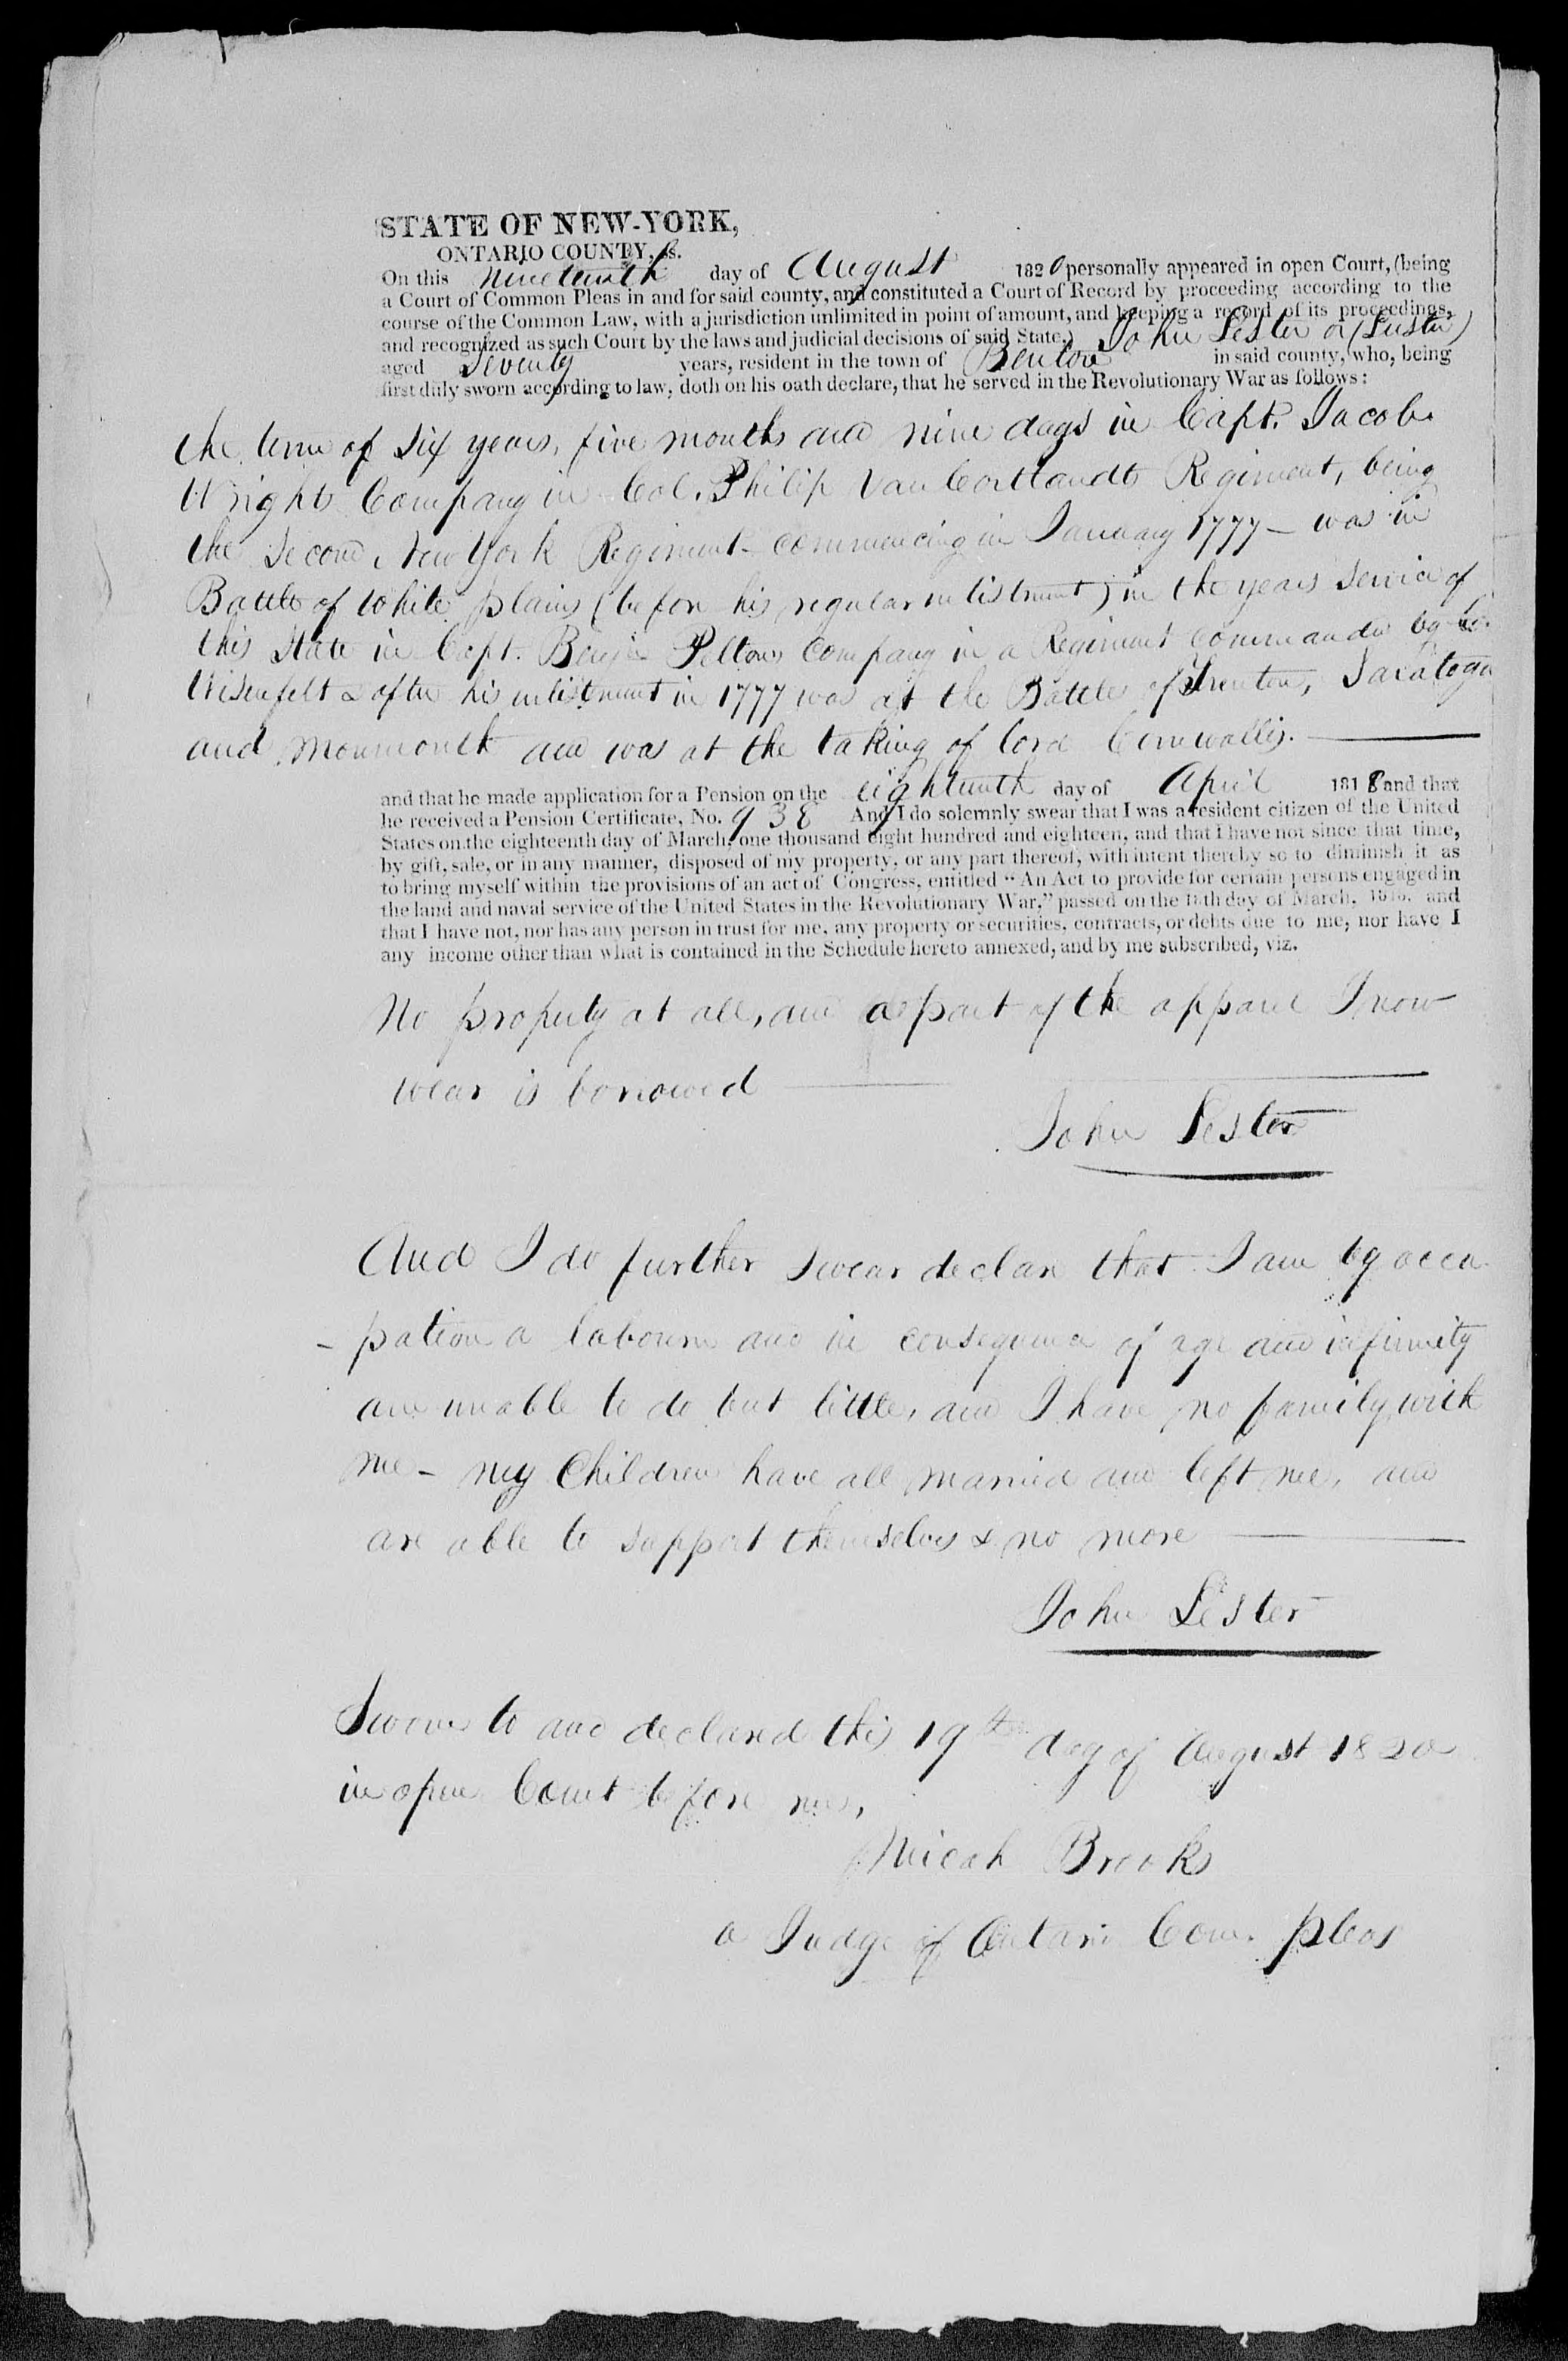STATE OF NEW YORK,
ONTARIO COUNTY, SS. 
On this nineteen day of August 1820 personally appeared in open Court, (being a Court of Common Pleas in and for said county, and constituted a Court of Record by proceeding according to the course of the Common Law, with a jurisdiction unlimited in point of amount, and keeping a record of its proceedings, and recognized as such Court by the laws and judicial decisions of said State,) John Lester or (Luster) aged Seventy years, resident in the town of Benton in said county, who, being first duly sworn according to law, doth on his oath declare, that he served in the Revolutionary War as follows: 
the time of six years, five months and nine days in Capt. Jacob Wright Company in Col. Philip Van Cortlandt Regiment, being the second New York Regiment commencing in January 1777 - was in Battle of White Plains (before his regular enlistment) in the years service of this State in Capt. Benj Pelton Company in a Regiment commanded by Col. Wisenfelt after his enlistment in 1777 was at the Battle of Trenton, Saratoga and Monmouth and was at the taking of Lord Cornwallis. - 
and  that he made application for a pension on the eighteenth day of April al and that he received a Pension Certificate, No. 938 And I do solemnly swear that I was a resident citizen of the United States on the eighteenth day of March, one thousand eight hundred and eighteen, and that I have not since that time, by gift, sale, or in any manner, disposed of my property, or any part thereof, with intent thereby so to diminish it as to bring myself within the provisions of an act of Congress, entitled "An Act to provide for certain persons engaged in the land and naval service of the United States in the Revolutionary War,” passed on the 11th day of March, 1818, and that I have not, nor has any person in trust for me, any property or securities, contracts, or debts due to me; nor have I any income other than what is contained in the Schedule hereto annexed, and by me subscribed, viz. 
No property at all, and a part of the apparel I now wear is borrowed 
John Lester 
And I do further swear declare that I am by occupation a laborer and in consequence of age and infirmity and unable to do but little, and I have no family with me, my children have all married and left me, and are able to support themselves & no more 
John Lester 
Sworn to and declared this 19th day of August 1820 in open Court before me.
Micah Brooks a Judge of Ontario Com Pleas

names: [BLANK] Cornwallis; Micah Brooks; John Lester; John Luster; [BLANK] Wisenfelt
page: 7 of 14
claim: survivor's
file: S. 42844, for John Lester, New York